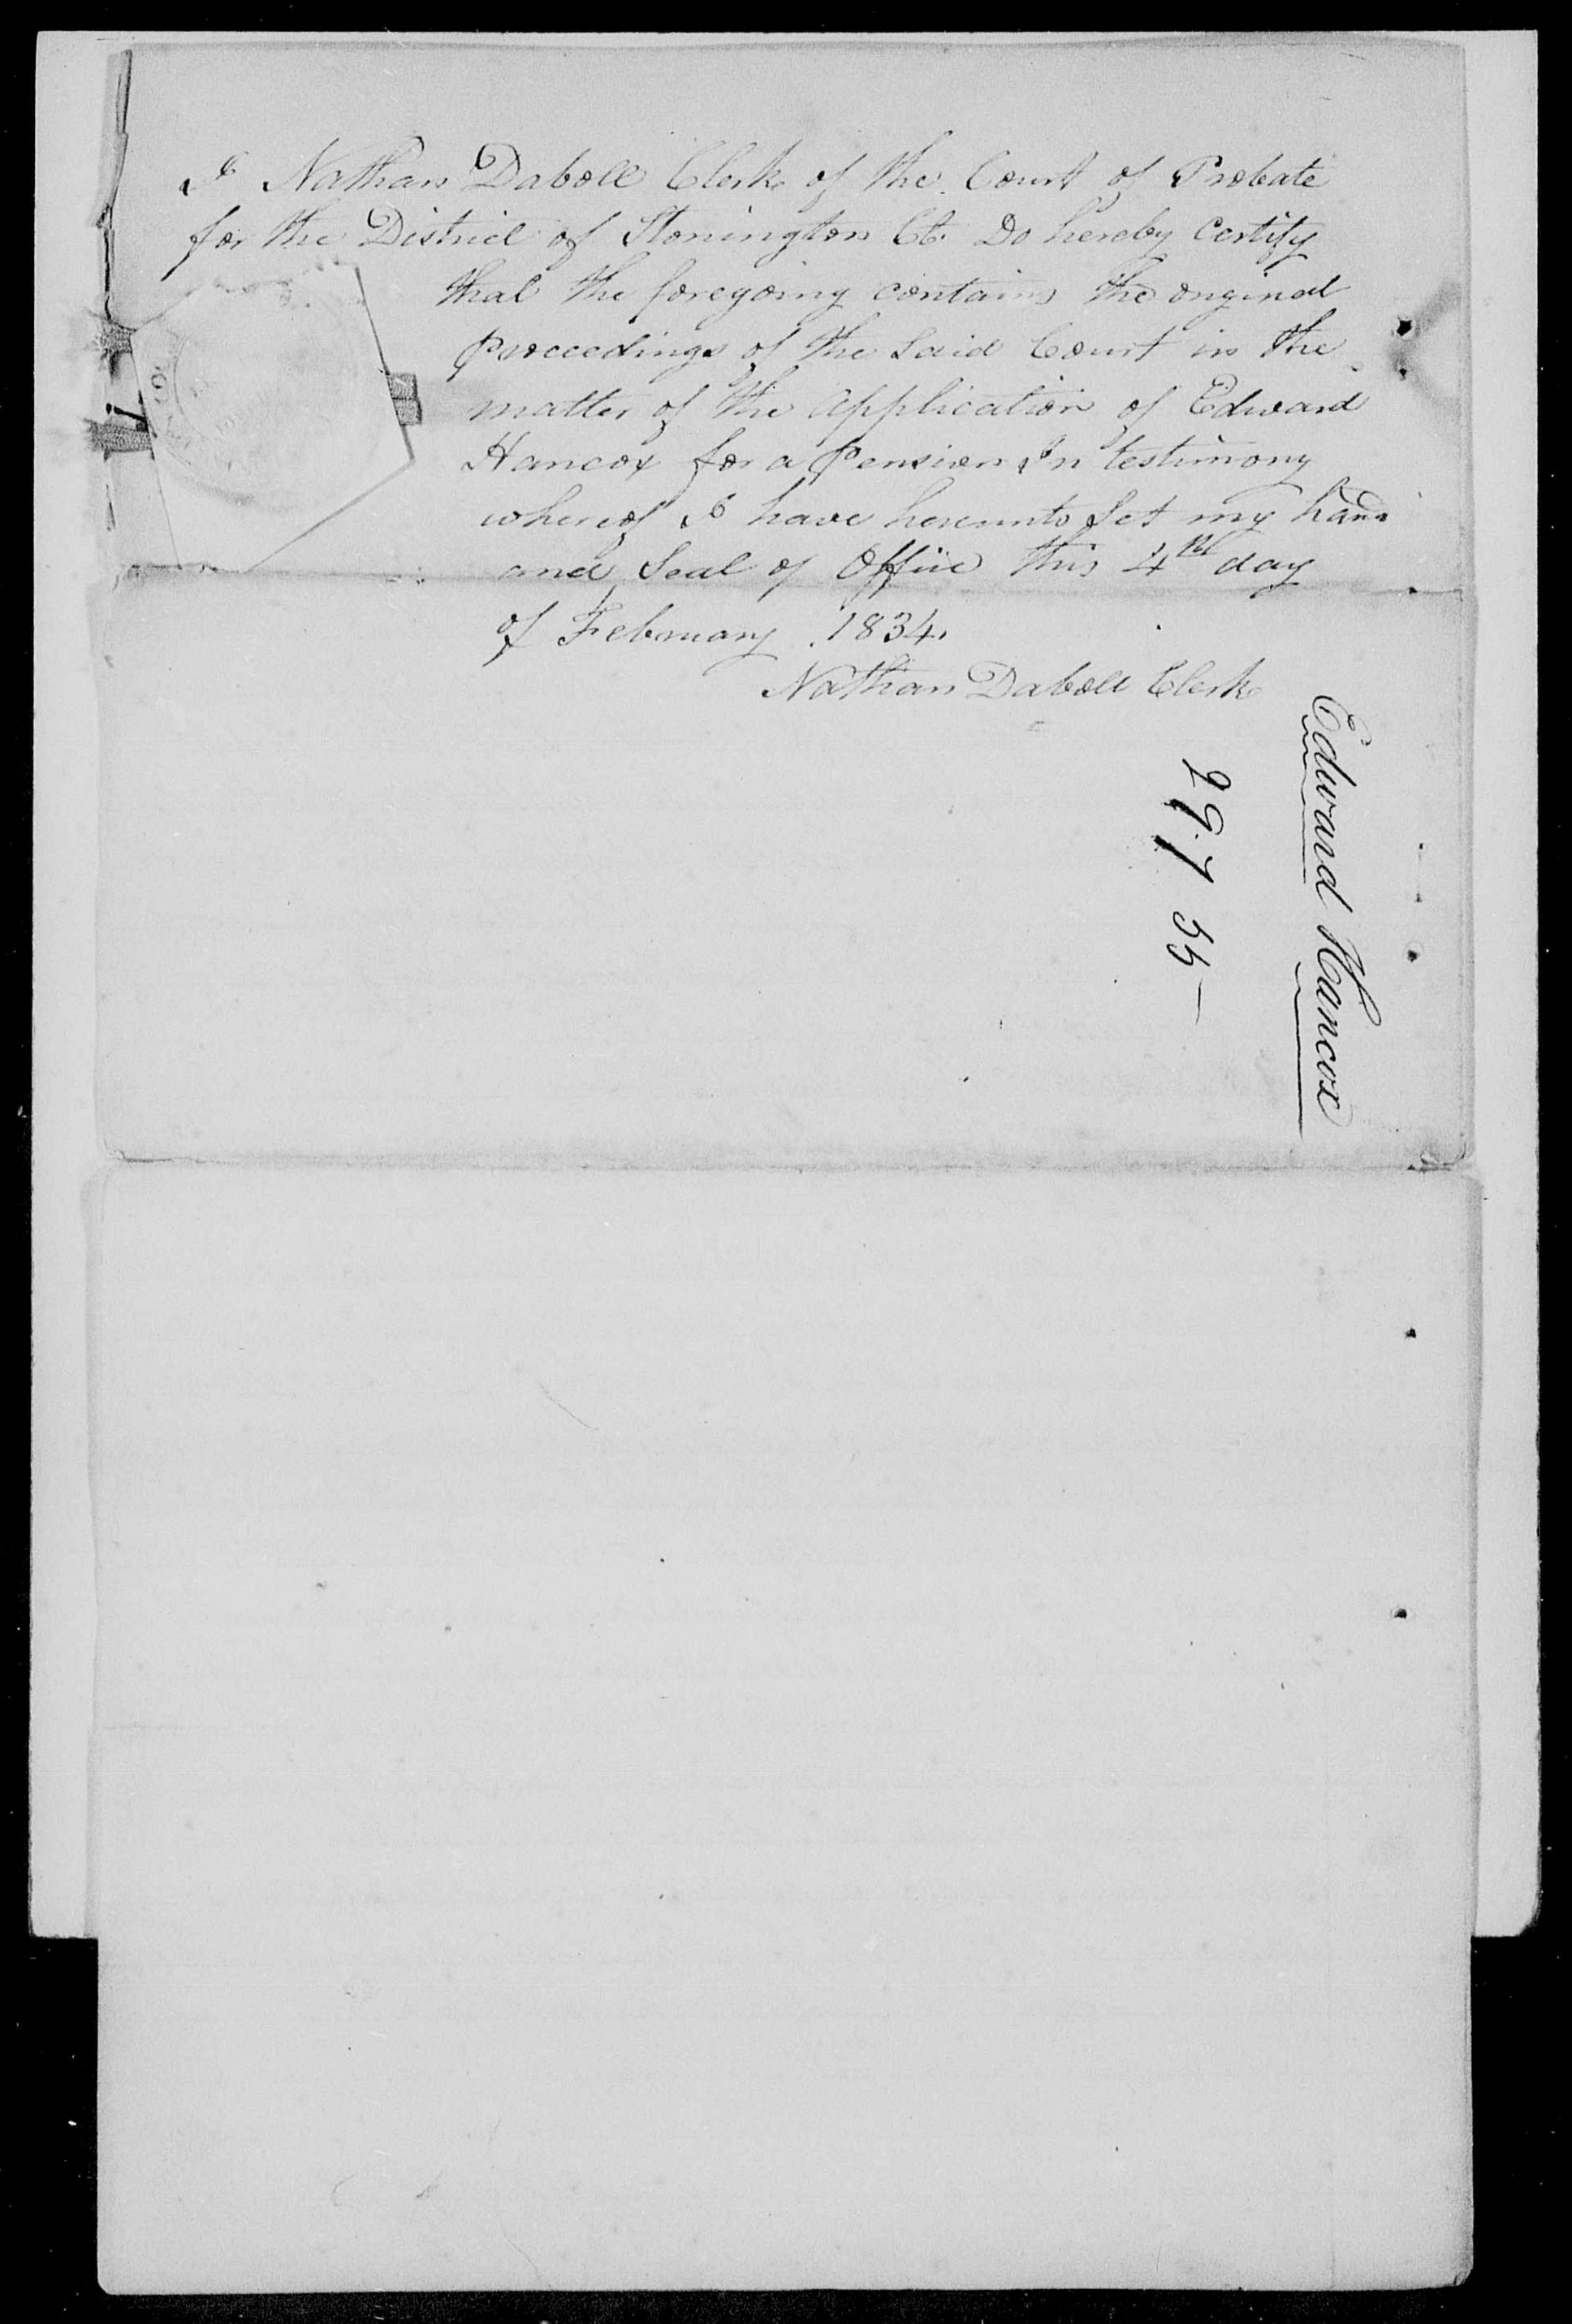I Nathan Daboll Clerk of the Court of Probate for the District of Stonington Ct. do hereby certify that the foregoing contains the original proceedings of the said court in the matter of the application of Edward Hancox for a pension.  In testimony whereof I have hereunto set my hand and seal of office this 4th day of February 1834.
Nathan Daboll Clerk

Edward Hancox 29755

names: Nathan Daboll, Edward Hancox, Edward Hancox, Nathan Daboll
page: 10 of 26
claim: survivor's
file: S. 16843, Edward Hancox, Conn.